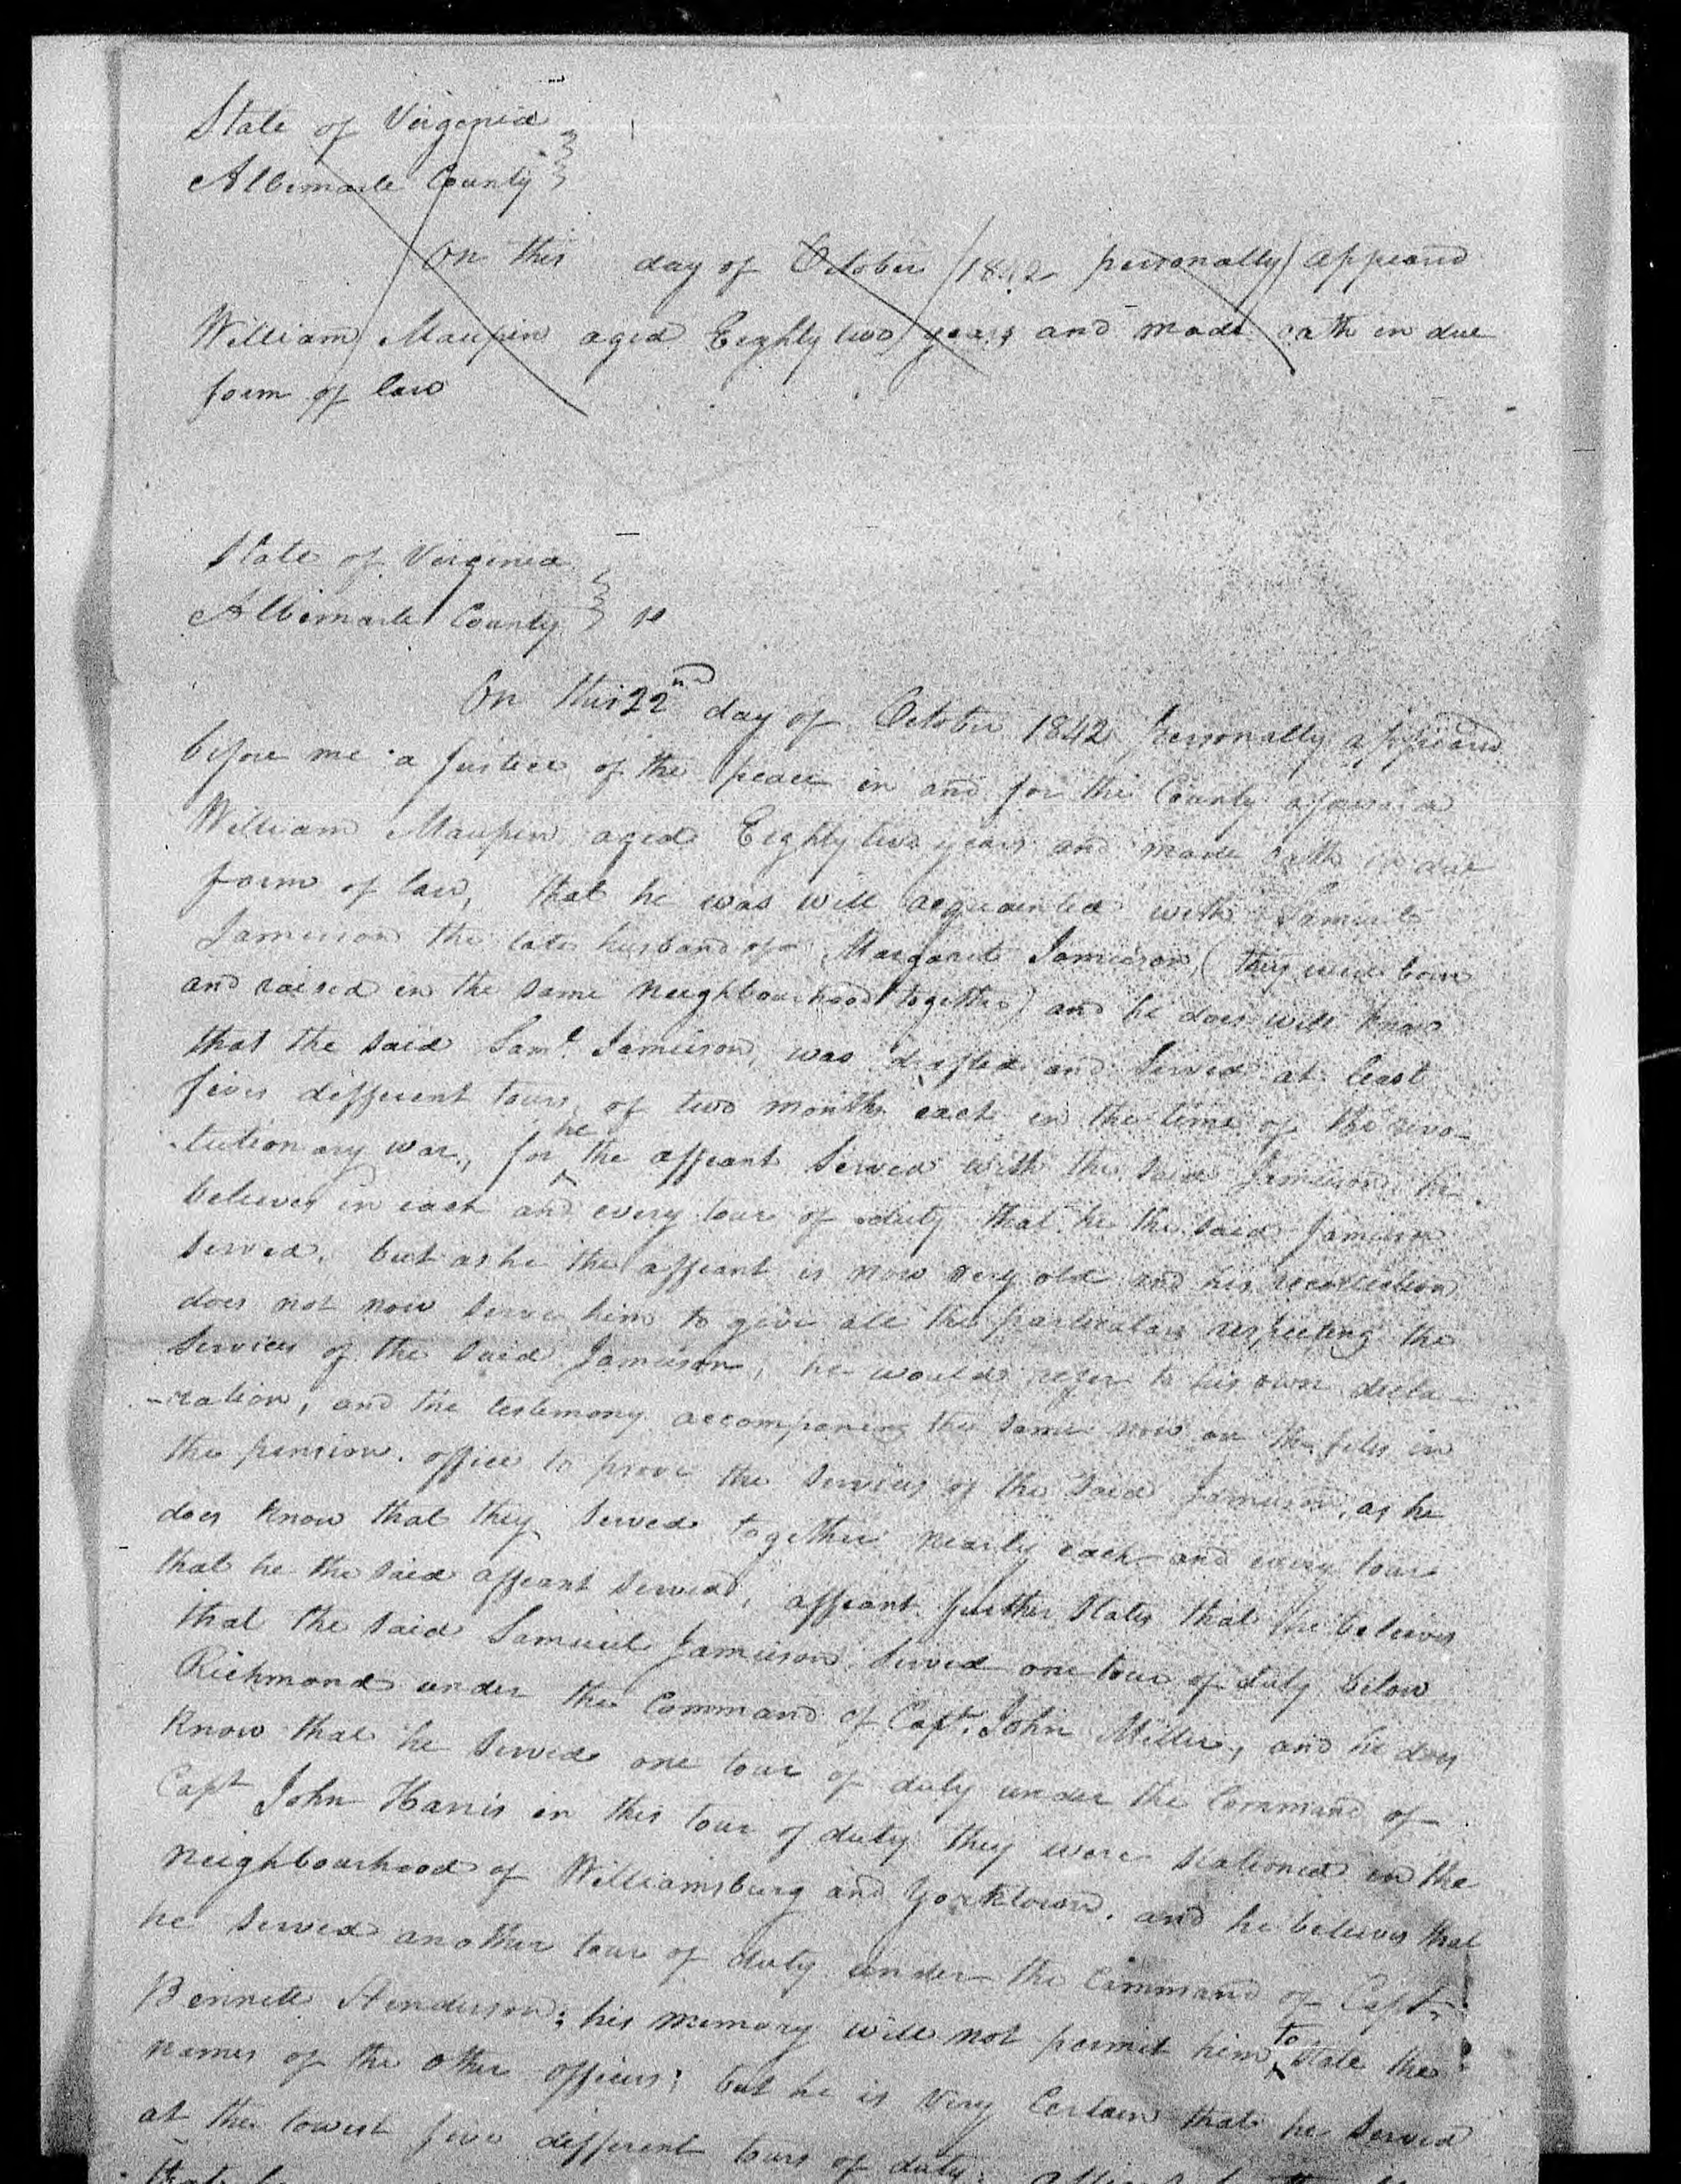[The following words have been crossed out:
State of Virginia
Albermarle County}
On this day of October /1842 personally appeared
William Maupin aged Eighty two years and made oath in due
form of law.]

State of Virginia
Albermarle County} ss
  On this 22nd day of October 1842 personally appeared
before me a Justice of the peace in and for the County aforesaid
William Maupin aged Eighty two years and made oath in due
form of law, that he was well acquainted with Samuel
Jamieson the late husband of Margaret Jamieson (they were born
and raised in the same neighborhood together) and he does well know
that the said Sam'l Jamieson was drafted and served at least
five different tours of two months each in the time of the
 revolutionary war, for he the affiant served with the said Jamieson he
believes in each and every tour of duty that the said Jamieson
served, but as he the affiant is now very old and his recollection
does not now serve him to give all the particulars respecting the
services of the said Jamieson, he would refer to his own declaration,
and the testimony accompanying the same now are the files in
the pension office to prove the services of the said Jamieson, as he
does know that they served together nearly each and every tour
that he the said affiant served, affiant further states that he believes
that the said Samuel Jamieson served one tour of duty below
Richmond under the Command of Capt. John Miller, and he does
know that he served one tour of duty under the Command of
Capt. John Harris in this tour of duty they were stationed in the
neighborhood of Williamsburg and Yorktown, and he believes that
he served another tour of duty under the Command of Capt.
Bennett Henderson; his memory will not permit him to state the
names of the other officers; but he is very certain that he served
at the lowest five different tours of duty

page: 7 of 28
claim: widow's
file: W. 5112, for Samuel Jamieson, Virginia